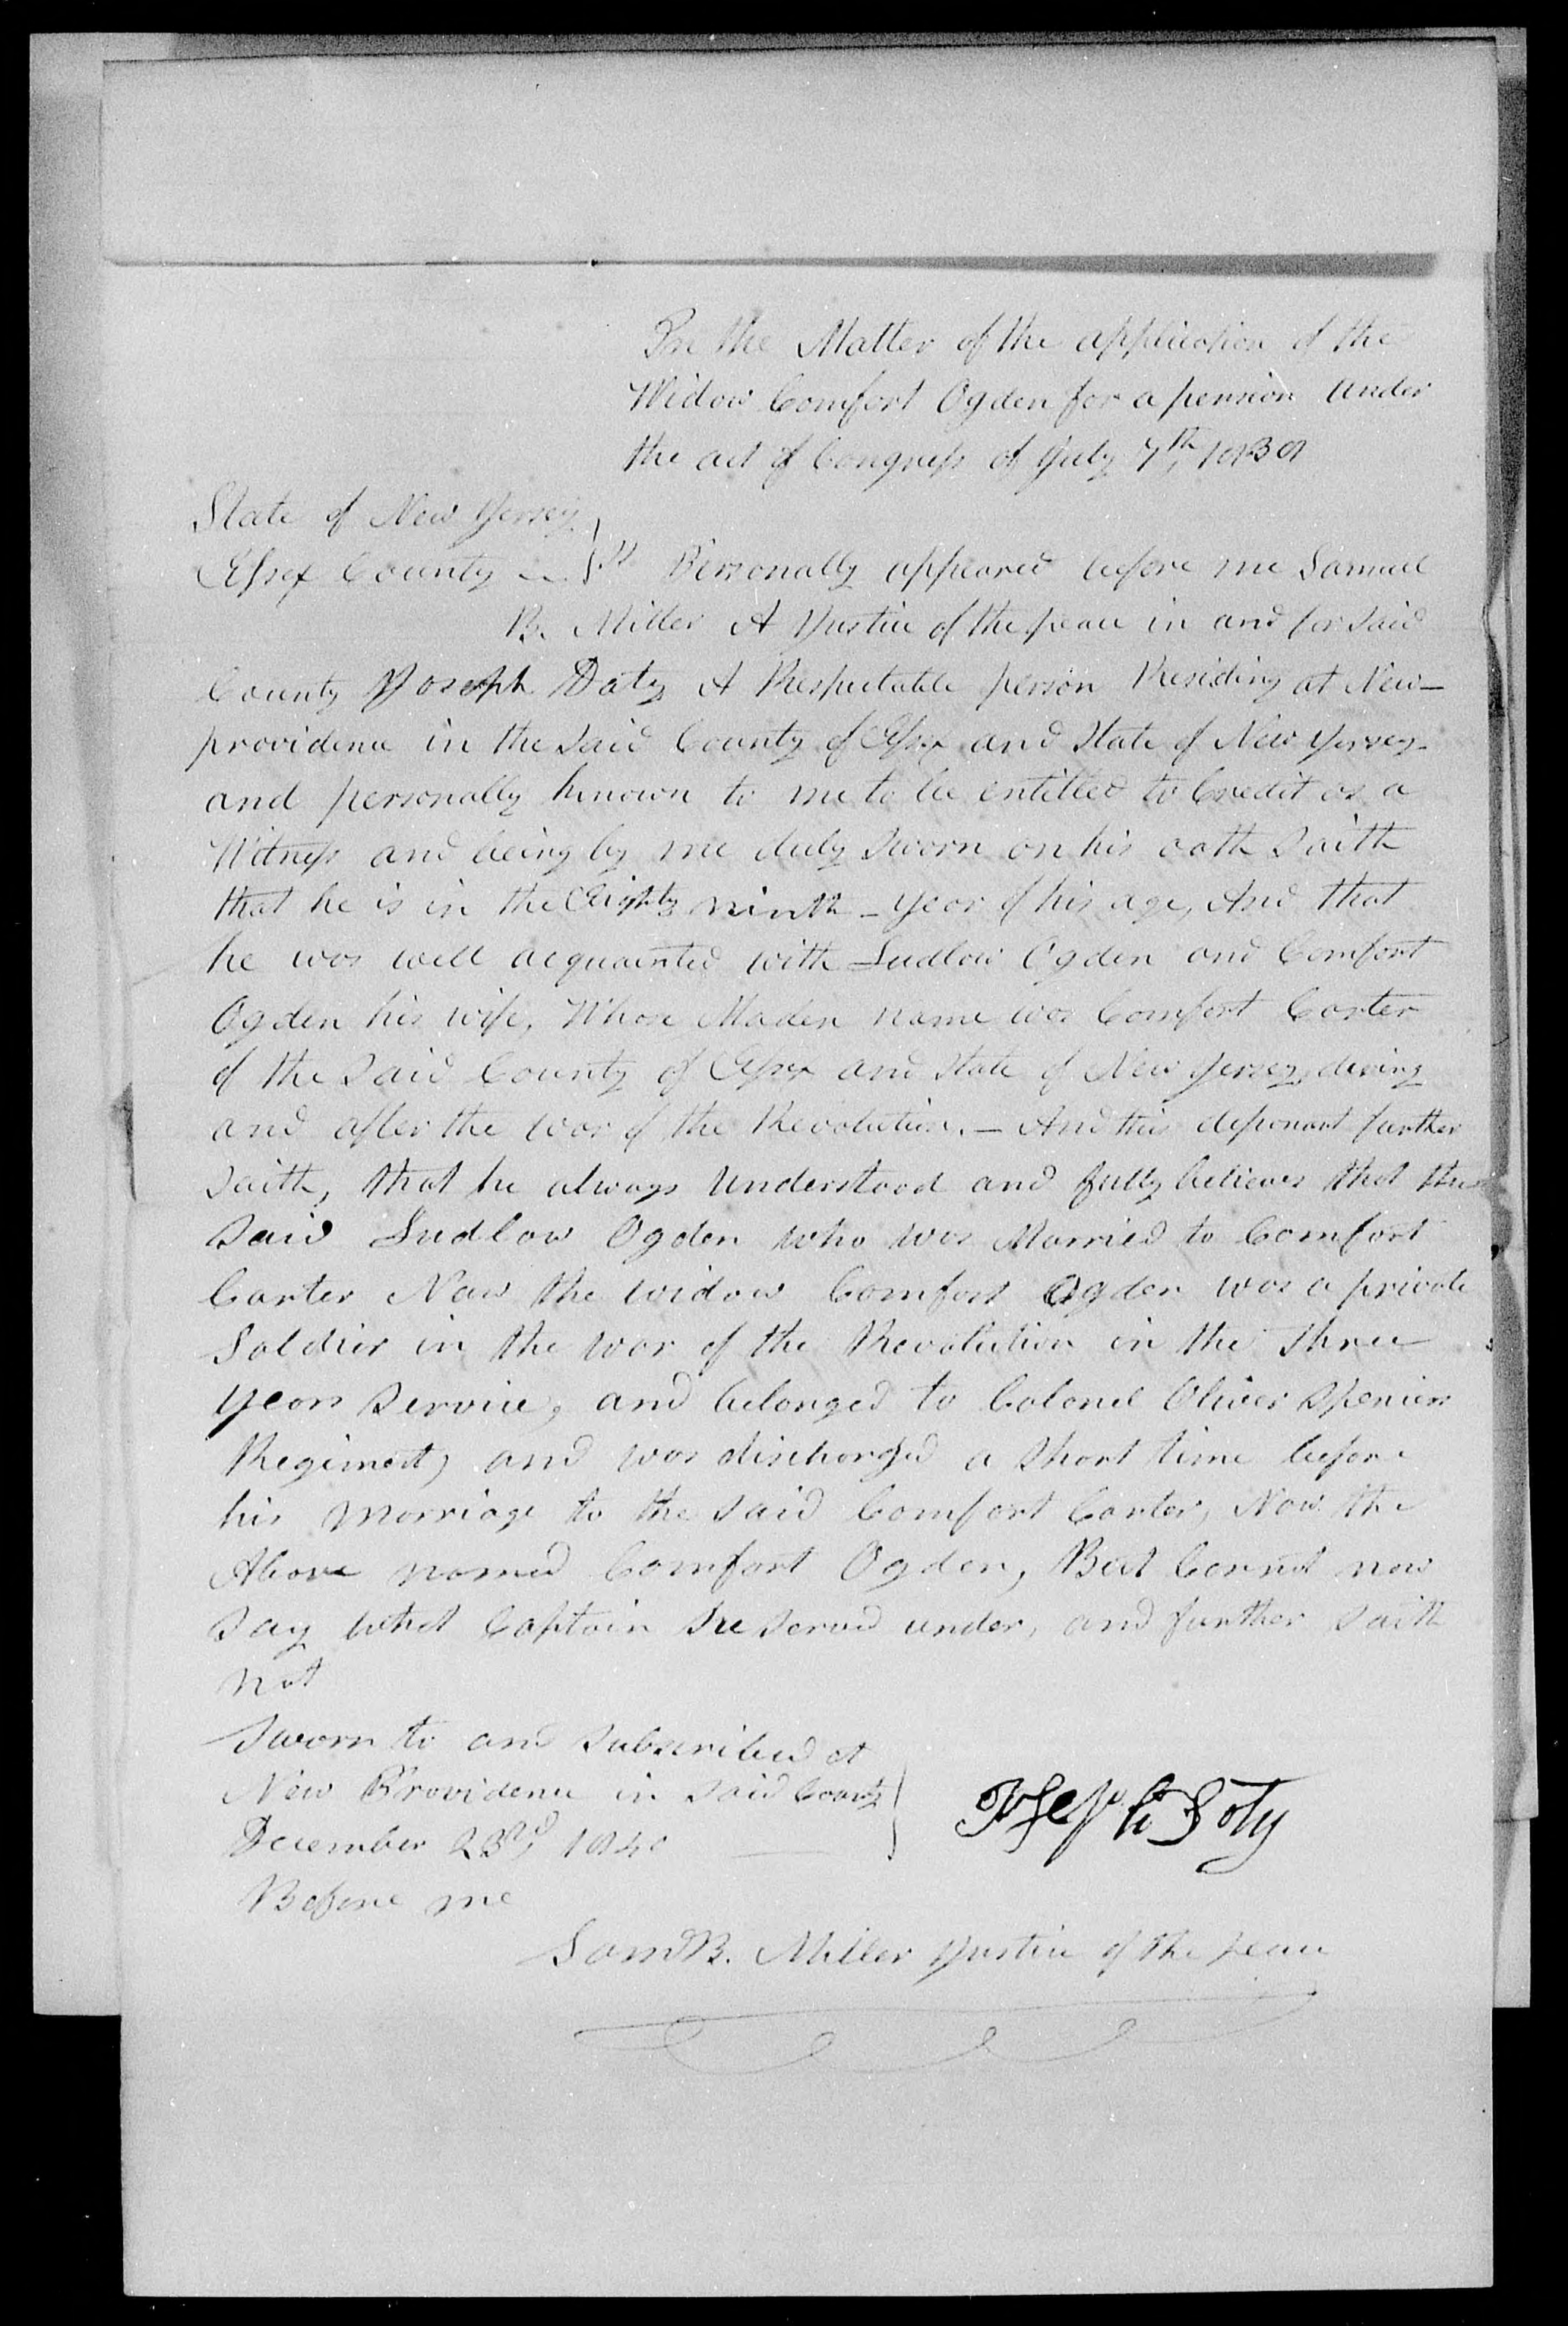In the Matter of the application of the
Widow Comfort Ogden for a pension under
the act of Congress of July 7th, 1838

State of New Jersey )
Essex County            ) ss
Personally appeared before me Samuel B. Miller A Justice of the peace in and for Said County Joseph Doty A Respectable person Residing at New providence in the Said County of Essex and State of New Jersey and personally known to me to be entitled to Credit as a Witness and being by me duly Sworn on his oath Saith that he is in the Eighty ninth year of his age, And that he was well acquainted with Ludlow Ogden and Comfort Ogden his wife, Whose Maden name was Comfort Carter of the Said County of Essex and State of New Jersey during and after the War of the Revolution. - And this deponant further Saith that he always understood and fully believes that the Said Ludlow Ogden who was Married to Comfort Carter Now the widow Comfort Ogden was a private Soldier in the War of the Revolution in the Three Years Service, and belonged to Colonel Oliver Spencers Regiment, and was discharged a short time before his marriage to the said Comfort Carter, Now the Above named Comfort Ogden, But Cannot now say what Captain he served under, and further saith not
   Joseph Doty
Sworn to and Subscribed at       )
New Providence in said County  )
December 23rd, 1840                  )
Before me
   Saml B. Miller Justice of the peace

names: Comfort Carter; Comfort Ogden; Ludlow Ogden; Joseph Doty; Samuel B Miller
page: 20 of 25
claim: widow's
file: W. 187, for Ludlow Ogden, New Jersey